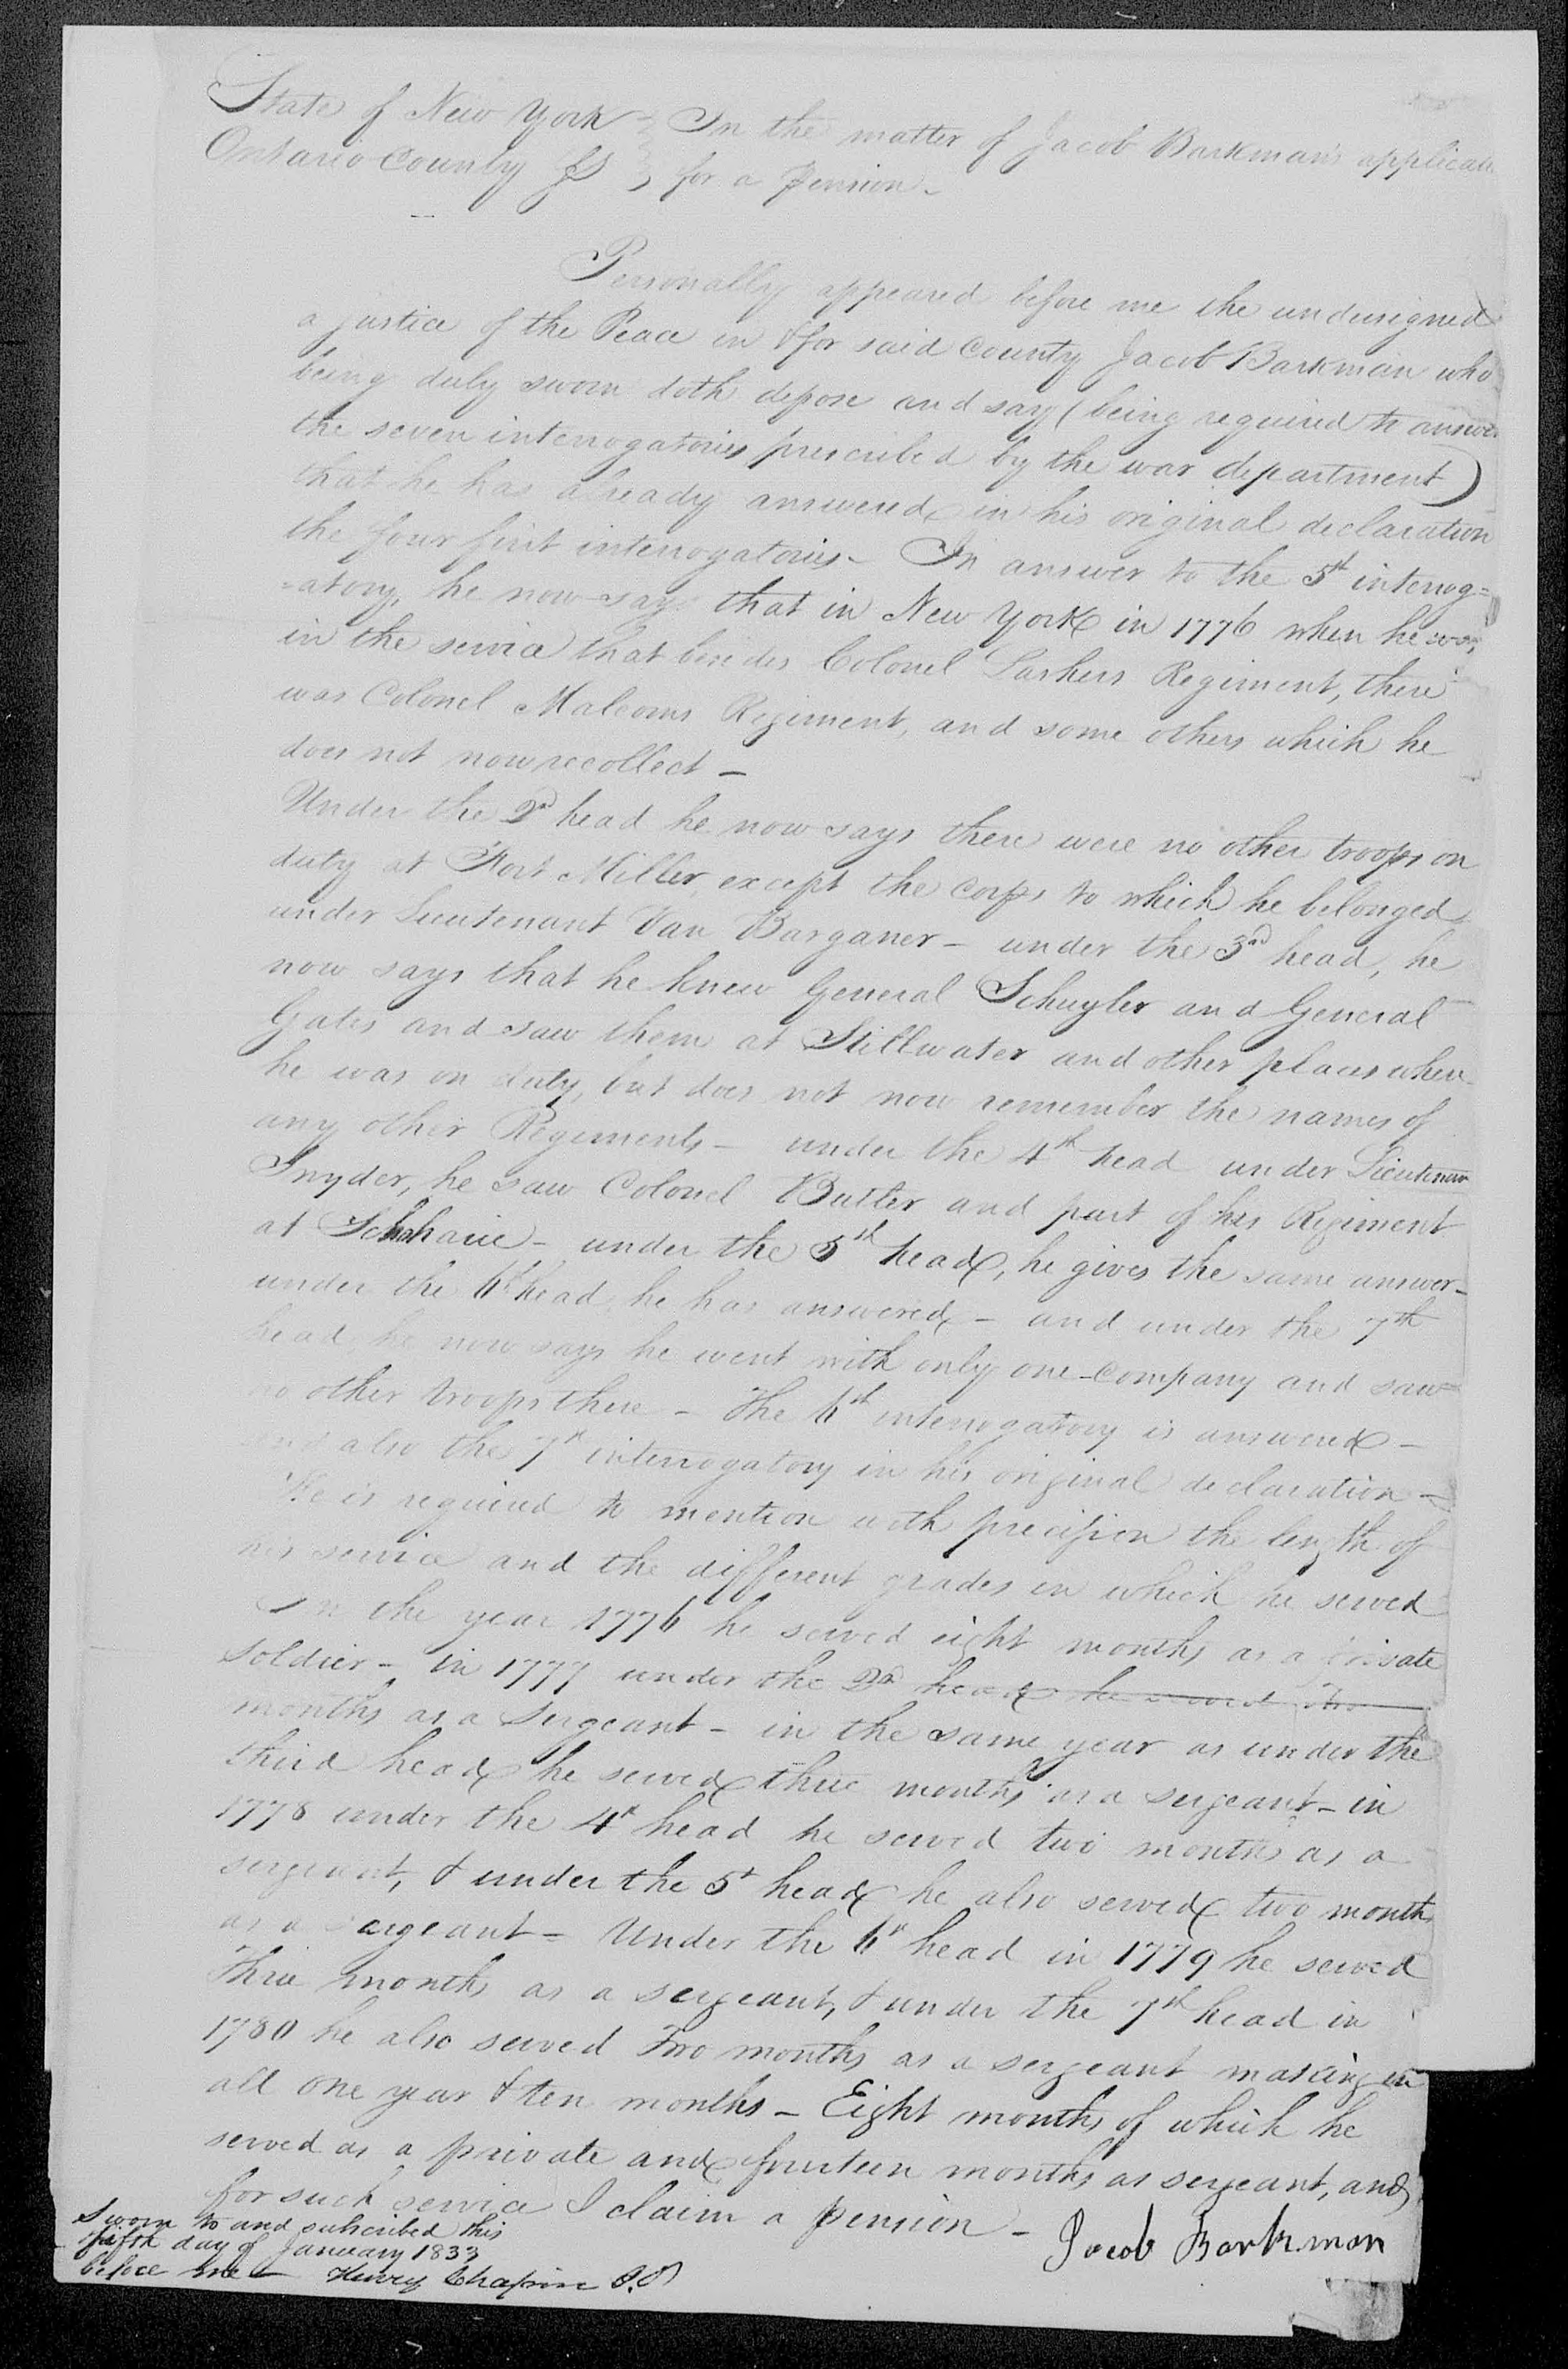State of New York In the matter of Jacob Barkman's application
Ontario County fs for a pension
Personally appeared before me the undersigned
a justice of the Peace in & for said County Jacob Barkman who being duly sworn doth depose and say being required to answer the seven interrogatories prescribed by the war department)
that he has already answered in his original declaration the four first interrogatories. In answer to the th interagatory, he now say that in New York in 1776 when he was in the service that binds Colonel Parker Regiment, there was Colonel Malcoms Regiment, and some others which he does not now recollect-
Under the 2d head he now says there were no other troops on duty at Fort Miller, except the corps to which he belonged
under Lieutenant Van Barganer, under the 3d head, he now says that he knew General Schuyler and General Gates and saw them at Stillwater and other places when he was on duty, but does not now remember the names of
any other Regiment. under the 4th head under Lieutenant Snyder, he saw Colonel Butler and part of his Regiment at Schoharie under the 5th head, he gives the same answer
under the head he has answered-- and under the 7th head he now says he went with only one company and saw no other troops there-- The 6th Interrogatory is answered also the 7th interrogatory in his original declaration
He is required to mention with precision the length of his service and the different grades in which he served
In the year 1776 he served eight months as a private Soldier. in 1777 under the ILLEGIBLE head he served three months as a Sergeant in the same year as under the third head he served three months as a sergeant in 1778 under the 4th head he served two months as a Sergeant, & under the 5th head he also served two months
as a Sargeant under the 4th head in 1779 he served three months as a sergeant, & under the 7th head in 1780 he also served two months as a sergeant making in all one year & ten months-- Eight months of which he served as a private and fourteen months as sergeant, and
I claim a pension
Jacob Barkman
Sworn to and subscribed this fifth day of 
January 1833
before me Henry Chapin HC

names: Van Barganer, Jacob Barkman, Jacob Barkman, Butter, Gates, Schuyler, Snyder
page: 9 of 12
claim: survivor's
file: S. 23,528, Jacob Barkman, New York